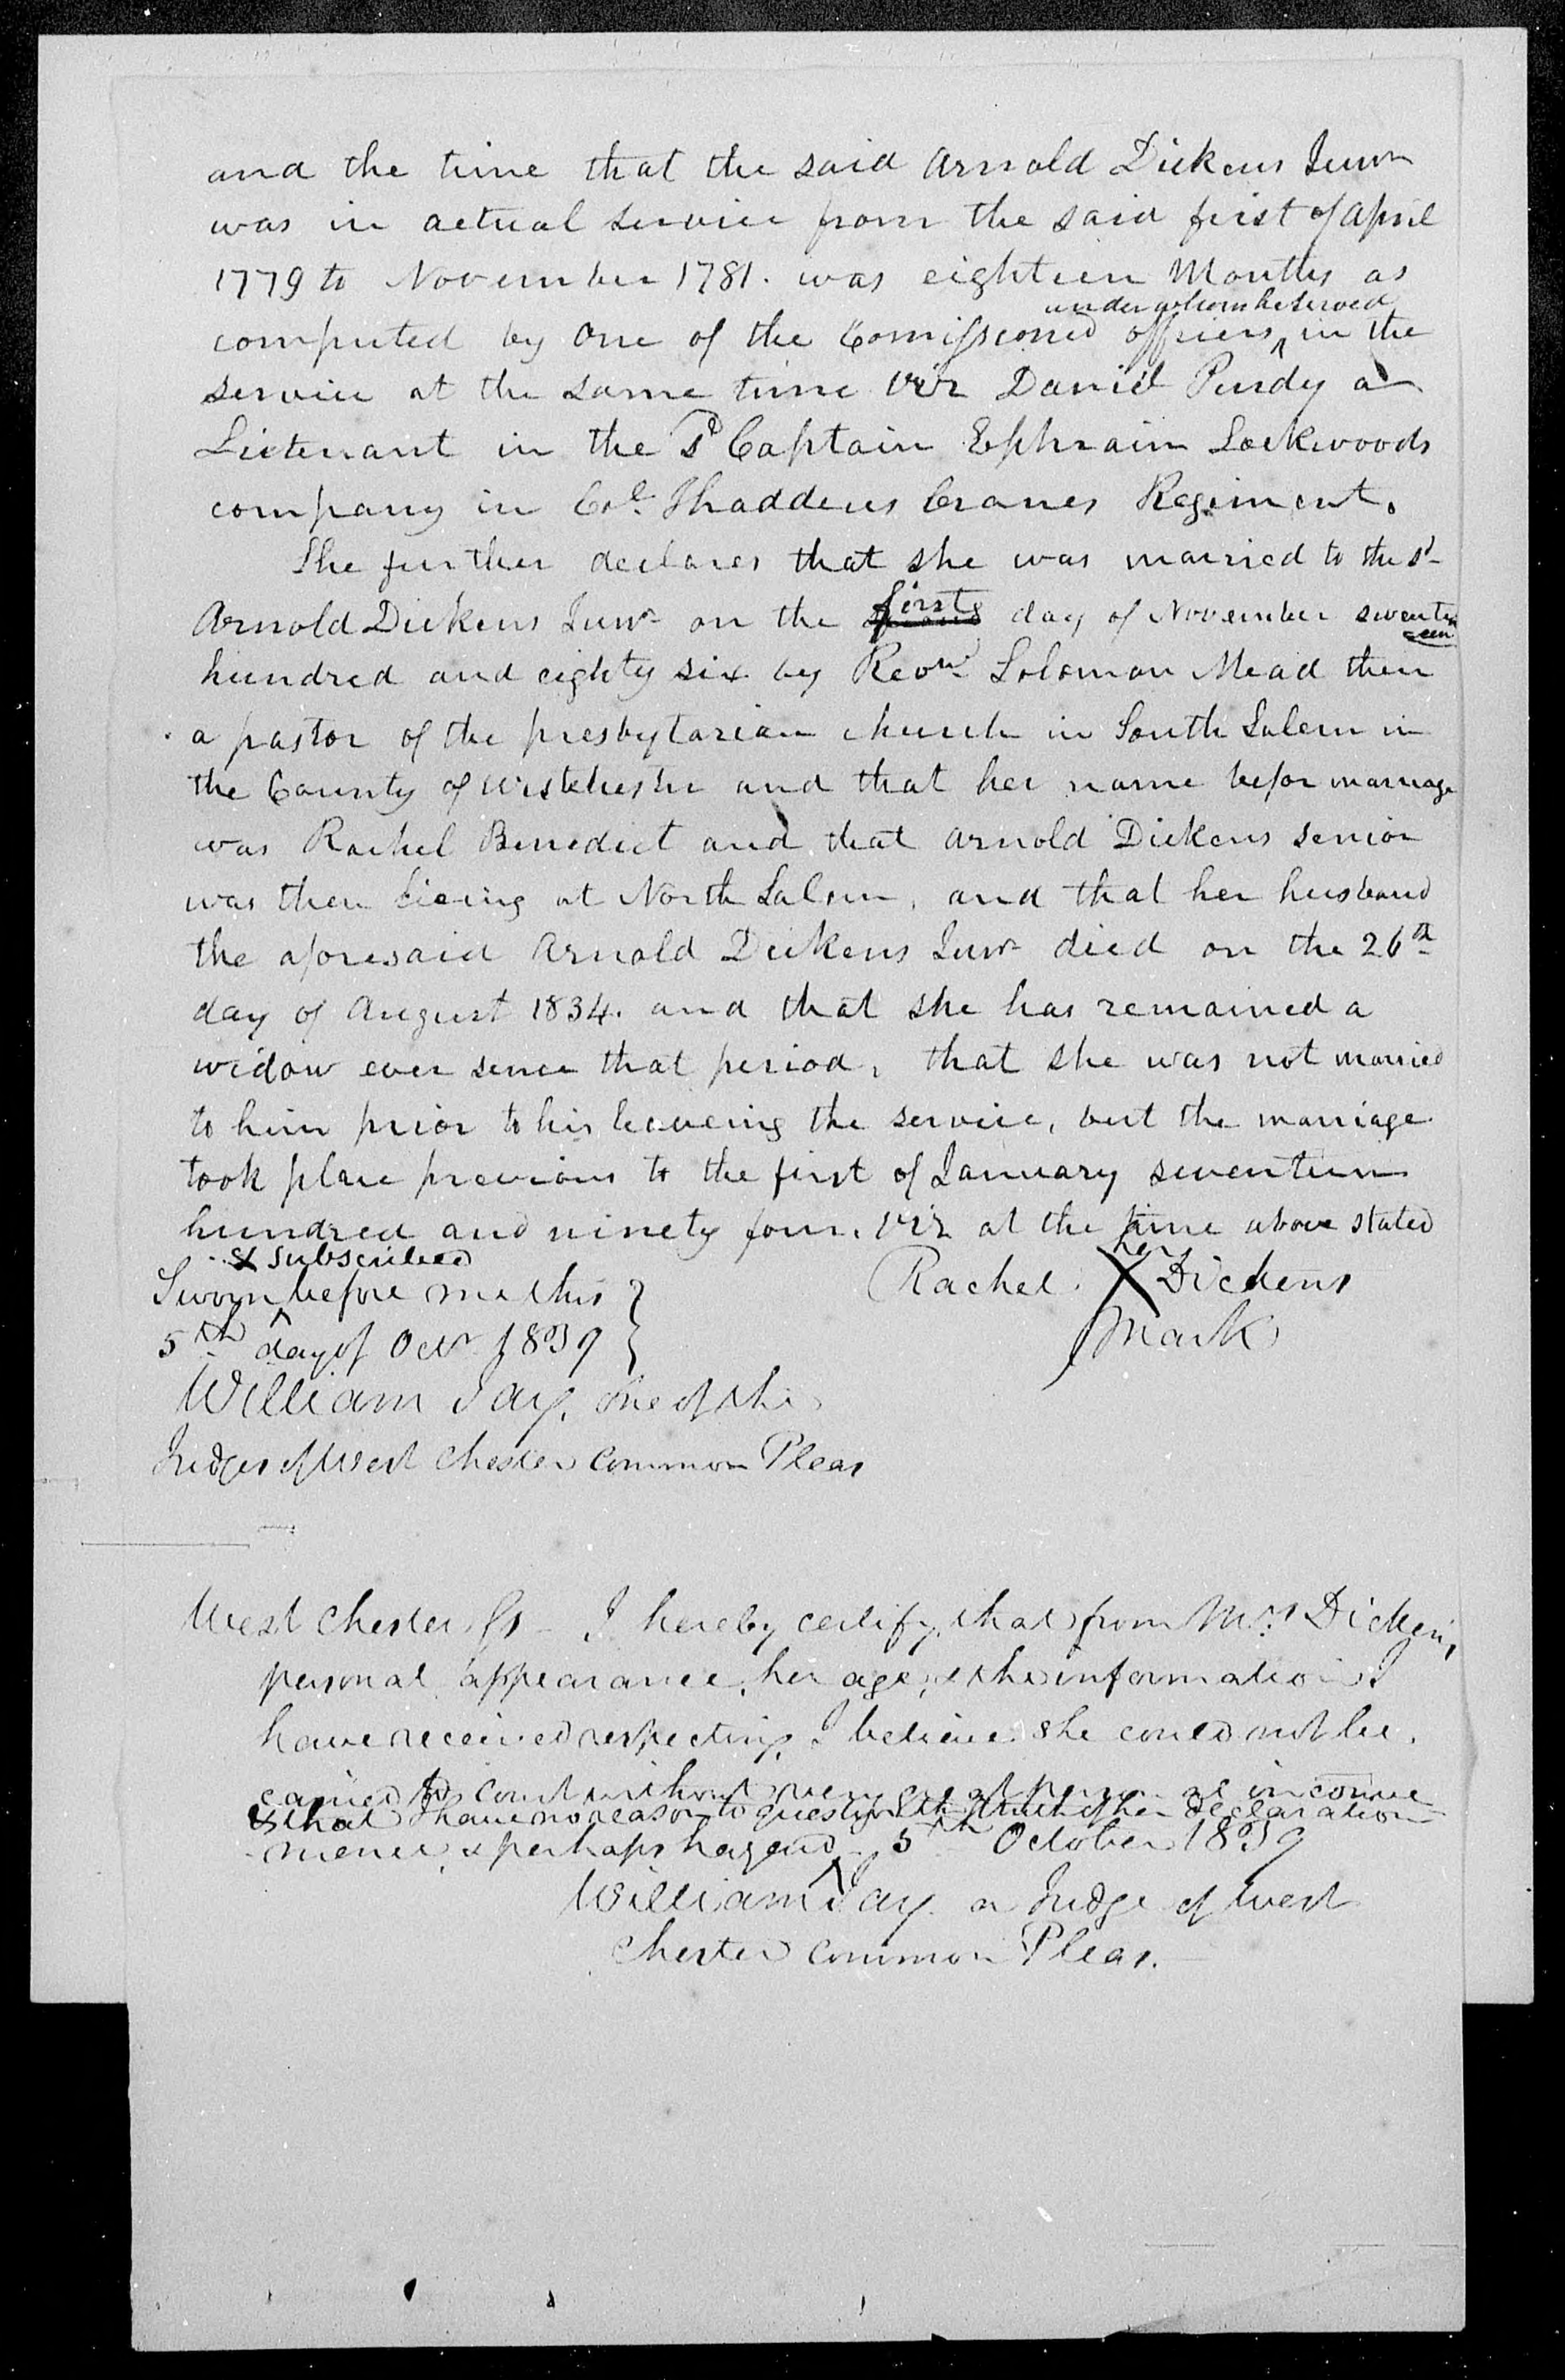and the time that the said Arnold Dickens Junr was in actual service from the said first of April 1779 to November 1781. was eighteen Months as computed by one of the Comissioned officers ^under whom he served in the service at the same time viz Daniel Purdy a Lietenant in the sd Captain Ephraim Lockwoods company in Col. Thaddues Cranes Regiment.
She further declares that she was married to the sd Arnold Dickens Junr on the first day of November seventeen hundred and eighty six by Rev. Solomon Mead then a pastor of the presbytarian church in South Salem in the County of Westchester and that her name before marriage was Rachel Benedict and that Arnold Dickens Senior was then living at North Salem, and that her husband the aforesaid Arnold Dickent Junr died on the 26th day of Auguat 1834.  and that she has remained a widow ever since that period.  that she was not married to him prior to his leaveing the service, but the marriage took place previous to the first of January seventeen hundred and ninety four viz at the time above stated
Rachel [X her mark] Dickens

Sworn & subscribed before me this}
5th day of Oct 1837}
William Jay, one of the Judges of West Chester Common Pleas

West Chester ss - I hereby certify that from Mrs. Dickens personal appearance, her age, & the information I have received respecting, I believe she could not be carried to court without very great personal inconvenience & perhaps hazard & that I have no reason to question the truth of her declaration
5th October 1839
William Jay, a Judge of West Chester Common Pleas.

Copyists note:  Copied as per original document including errors.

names: Arnold Dickens, Arnold Dickens, Dickens, Arnold Dickens, Rachel Benedict, Daniel Purdy, William Jay, Arnold Dickens, Solomon Mead, William Jay, Rachel Dickens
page: 4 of 29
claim: widow's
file: W. 17720, Arnold Dickens, New York